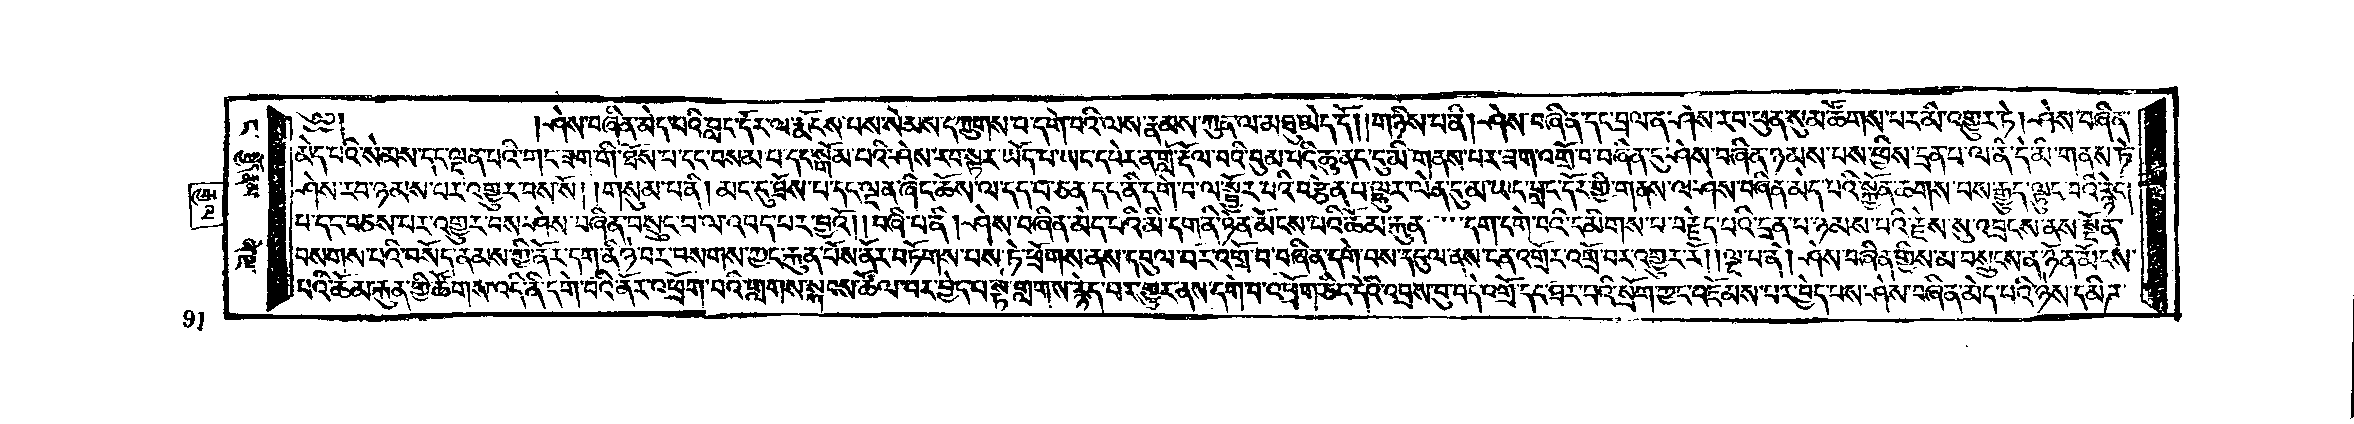༄༅། །ཤེས་བཞིན་མེད་པའི་བླང་དོར་ལ་རྨོངས་པས་སེམས་དཀྲུགས་པ་དགེ་བའི་ལས་རྣམས་ཀུན་ལ་མཐུ་མེད་དོ། །གཉིས་པ་ནི། ཤེས་བཞིན་དང་བྲལ་ན་ཤེས་རབ་ཕུན་སུམ་ཚོགས་པར་མི་འགྱུར་ཏེ། ཤེས་བཞིན་
མེད་པའི་སེམས་དང་ལྡན་པའི་གང་ཟག་གི་ཐོས་པ་དང་བསམ་པ་དང་སྒོམ་པའི་ཤེས་རབ་སྟར་ཡོད་པ་ཡང་དཔེར་ན་གློ་རྡོལ་བའི་བུམ་པའི་ཆུ་ནང་དུ་མི་གནས་པར་ཟག་འགྲོ་བ་བཞིན་དུ་ཤེས་བཞིན་ཉམས་པས་ཕྱིས་དྲན་པ་ལ་ནི་དེ་མི་གནས་ཏེ་
ཤེས་རབ་ཉམས་པར་འགྱུར་བས་སོ། །གསུམ་པ་ནི། མང་དུ་ཐོས་པ་དང་ལྡན་ཞིང་ཆོས་ལ་དད་པ་ཅན་དང་ནི་དགེ་བ་ལ་སྦྱོར་བའི་བརྩེན་པ་ལྷུར་ལེན་དུ་མ་ཡང་བླང་དོར་གྱི་གནས་ལ་ཤེས་བཞིན་མེད་པའི་སྐྱོན་ཆགས་པས་རྒྱུད་ལྟུང་བའི་རྙེད་
པ་དང་བཅས་པར་འགྱུར་པས་ཤེས་བཞིན་བསྲུང་བ་ལ་འབད་པར་བྱའོ། །བཞི་པ་ནི། ཤེས་བཞིན་མེད་པའི་མི་དག་ནི་ཉོན་མོངས་པའི་ཆོམ་རྐུན་དག་དགེ་བའི་དམིགས་པ་བརྗེད་པའི་དྲན་པ་ཉམས་པའི་རྗེས་སུ་འབྲངས་ནས་སྔོན་
བསགས་པའི་བསོད་ནམས་ཀྱི་ནོར་དག་ནི་ཉེ་བར་བསགས་ཀྱང་རྐུན་པོས་ནོར་བཏོགས་པས་ཏེ་ཕྲོགས་ནས་དབུལ་བར་འགྲོ་བ་བཞིན་དགེ་བས་དངུལ་ནས་ངན་འགྲོ་འགྲོ་བར་འགྱུར་རོ། །ལྔ་པ་ནི། ཤེས་བཞིན་གྱིས་མ་བསྲུངས་ན་ཉོན་མོངས་
པའི་ཆོས་རྐུ༨ན་གྱི་ཚོགས་འདི་ནི་དགེ་བའི་ནོར་འཕྲོག་པའི་གླགས་སྐབས་ཚོལ་བར་བྱེད་པ་སྟེ་གླགས་རྙེད་པར་གྱུར་ནས་དགེ་བ་འཕྲོག་ཅིང་དེའི་འབྲས་བུ་བདེ་འགྲོ་དང་ཐར་པའི་སྲོག་ཀྱང་འཇོམས་པར་བྱེད་པས་ཤེས་བཞིན་མེད་པའི་ཉེས་དམིགས་